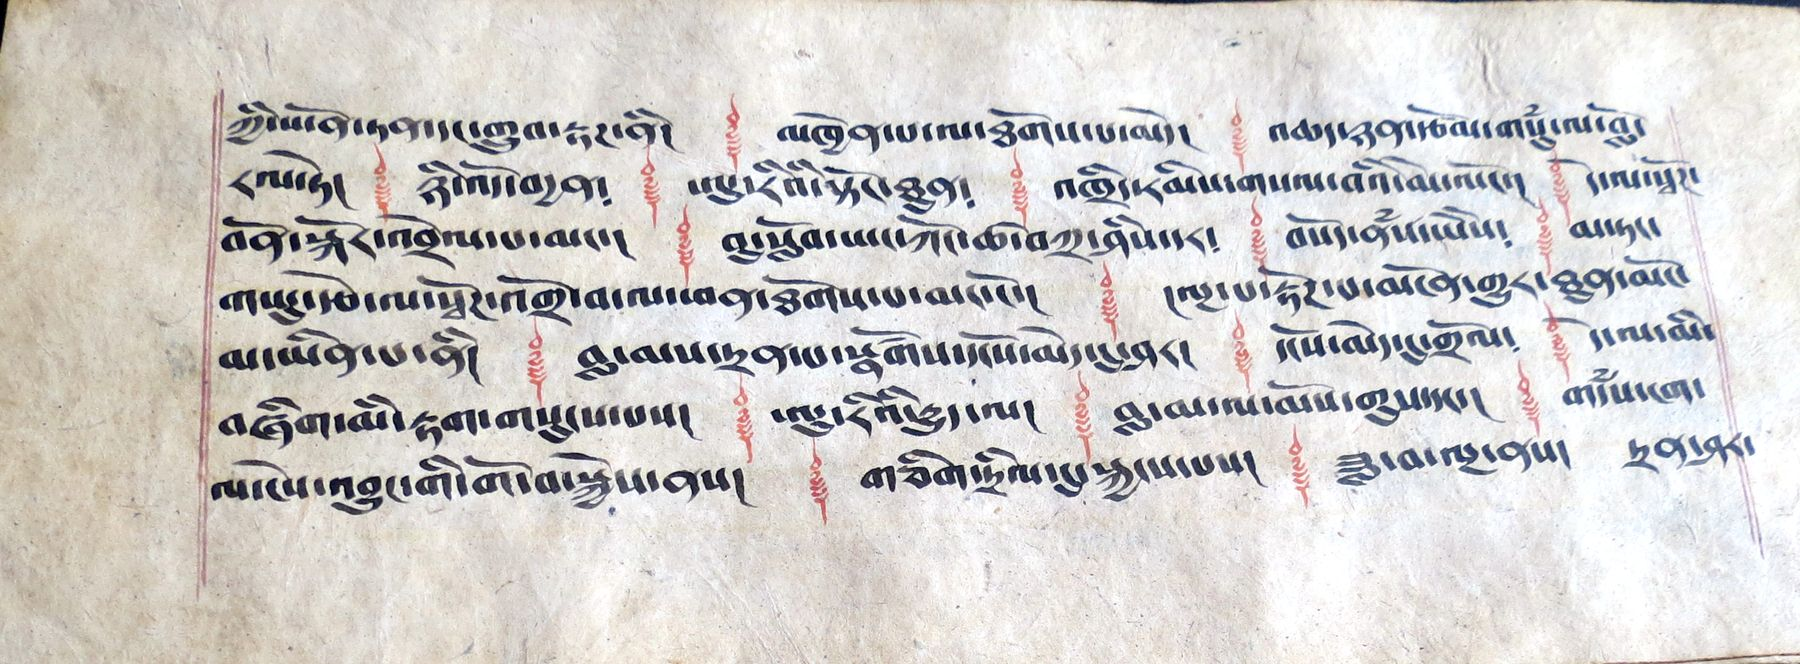ཀྱི་ཡོན་ཏན་གྲུབ་རྟགས་ནི། མཁྱེན་པ་ལ་ཐོགས་པ་མེད། འཆད་ཉན་རྩོད་གསུམ་ལ་བློ་
རབ་སྟེ། ཉི་འོད་རྒྱན། ཨུ་རིའི་སྟོང་ཐུན། ཁྲིད་རིམ་གསལ་བའི་མེ་ལོང་། དེ་ལས་སོགས་
བོན་སྐོར་འགྲེལ་བ་མང་། བུ་སློབ་ཡང་ཀོང་ཚ་བཀྲ་ཤིས་དར། བསོད་ནམས་ཡེ་ཤེས། མ་ཏང་
གཡུ་རྩེ་ལས་སོགས་འགྲོ་བ་ལ་ཕན་ཐོགས་པ་མང་ངོ་། ། ལྔ་པ་རྟོགས་པ་མངོན་གྱུར་ཐུན་མོང་
མ་ཡིན་པ་ནི། བླ་མས་དྲན་པ་སྣ་ཚོགས་དངོས་མེད་དུ་ཤར། དངོས་མེད་དུ་གྲོལ། དེ་ལ་མི་
གཞིག་མི་བརྟགས་གསུངས་པས། ཨུ་རིའི་རྒྱུད་ལ། བླ་མ་ལ་མོས་གུས་དང་། གདམས་ངག་
ལ་ངེས་འབྱུང་གི་གོ་བ་སྐྱེས་ནས། གཅིག་དྲིལ་དུ་བསྐྱངས་པས། ཟླ་བ་ལྔ་ནས། དྲན་ཤར་